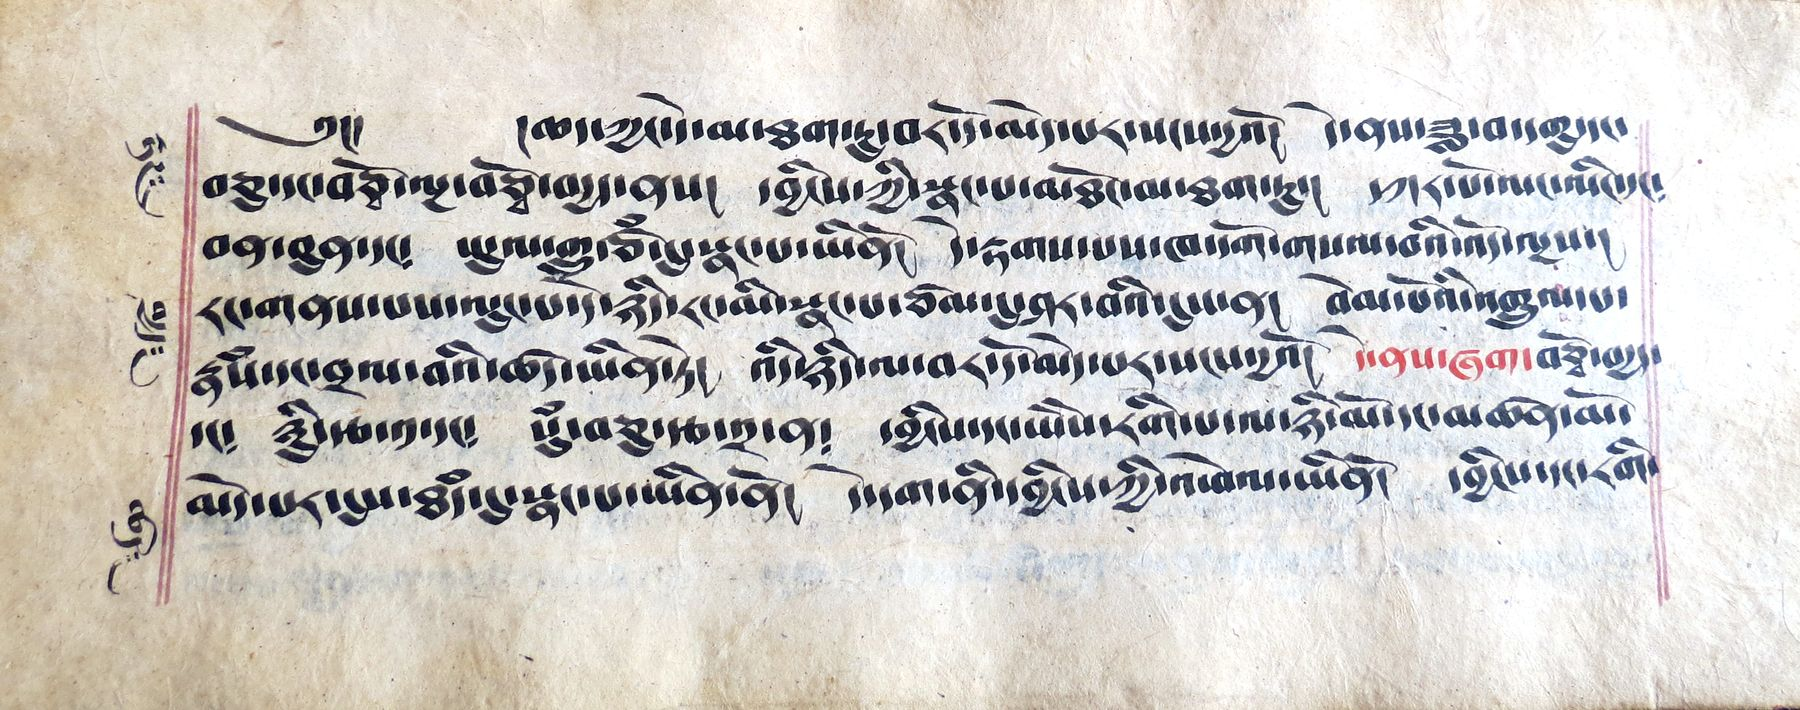ཆད་ཀྱང་། དེ་མ་ཐག་ཏུ་བར་དོ་མེད་པར་སངས་རྒྱའོ། །དེ་ནས་ཟླ་བ་དགུ་དང་
བཅུ་དང་བཅོ་ལྔ་དང་། བཅོ་བརྒྱད་ན། དབྱིངས་ཀྱི་སྣང་བ་མཐོང་མ་ཐག་ཏུ། དཀར་པོ་ལང་ལིང་དང་། 
བན་བུན་དང་ལས་སོགས་ཡུལ་གྲུ་ཙམ་དུ་སྣང་བ་ཡིན་ནོ། །དེ་ལ་བརྟག་པས་ཁ་དོག་གསལ་བའི་འོད་ལྔས། 
རང་གནས་པའི་ལུང་པ་དེ་ཉིད། རང་མི་སྣང་བ་ཙམ་དུ་ཤར་བའི་དུས་ན། སེམས་བེམ་པོའི་འཁྲུལ་པ་
རྣམས་དང་བྲལ་བའི་ཚད་ཡིན་ཏེ། འདི་ལ་བར་དོ་མེད་པར་སངས་རྒྱའོ། །དེ་ནས་ཞག་བཅོ་བརྒྱད་
དང་། ཉི་ཤུ་རྩ་གཅིག་དང་། སུམ་ཅུ་རྩ་གཉིས་ན། དབྱིངས་དང་རིག་པ་ལ་ཉིན་མོ་དང་མཚན་མོ་
མེད་པར། དུས་ཐམས་ཅད་དུ་སྣང་བ་ཡིན་ནོ། །དེ་དག་ནི་དབྱིངས་ཀྱི་༼ཡེ་ཤེས་དཔེ་གཞན་ལ༽འཕེལ་ཡིན་ནོ། །དབྱིངས་དང་རིག་